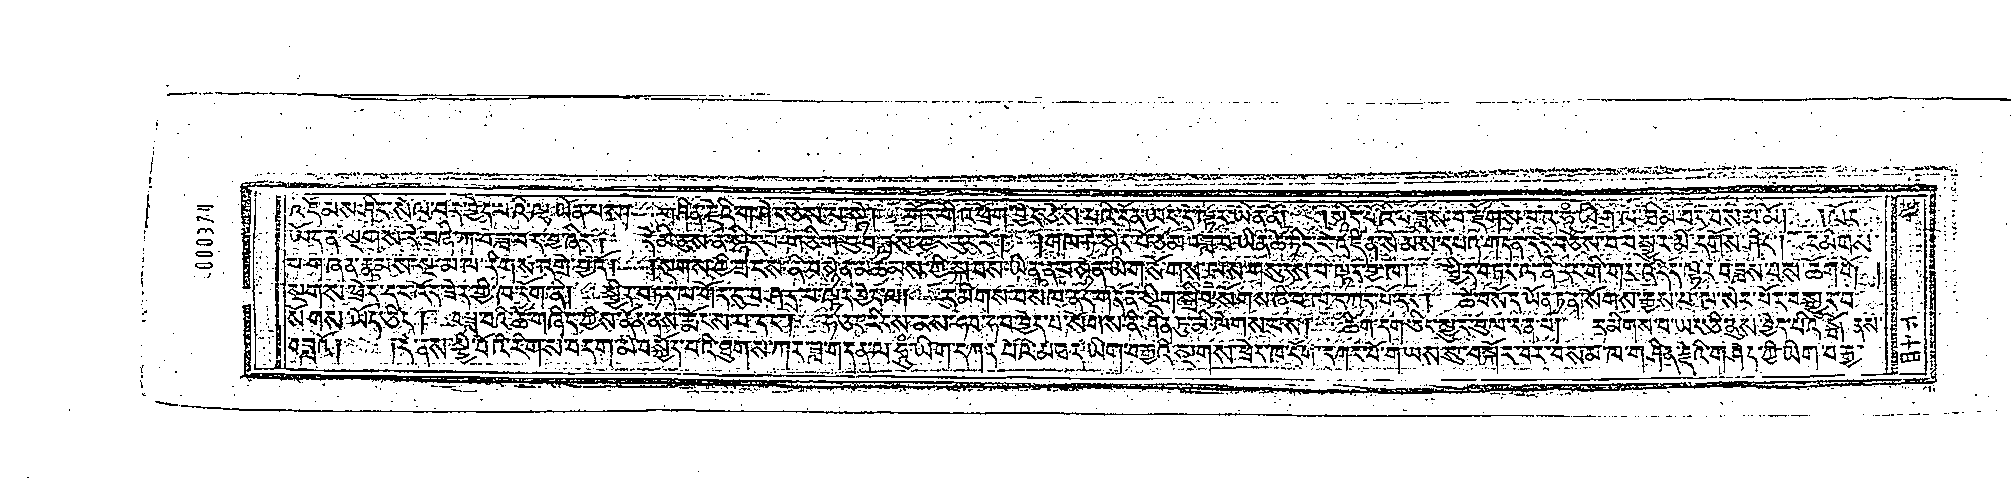འཇོམས་ཤིང་སེལ་བར་བྱེད་པའི་ལྷ་ཡིན་པས། གཤིན་རྗེའི་གཤེད་ཅེས་པ་སྟེ། གོང་གི་འཕྲོག་བྱེད་ཅེས་པའི་དོན་ཡང་དེ་ལྟར་ཡིན་ནོ། །སྙིང་པོའི་བཟླས་བ་རྫོགས་པ་འ་ཧཱུཾ་ཡིག་ལ་ཐིམ་བད་བསམ་མོ། །ལོར་
ཡོད་ན་སྔགས་དེ་བཞི་ཀ་བཟླ་བར་བྱ་ཞིང་། དེ་མི་ནུས་ན་སྙིང་པོ་གཅིག་བུ་བཟླས་ཀྱང་རུང་ངོ། །གལ་ཏེ་སྙིང་པོ་ཙམ་བཟླ་བ་ཡིན་ཚེ་ཏིང་ངེ་འཛིན་སེམས་དཔའ་གདན་དང་བཅས་པ་བསྒྱུར་མི་དགོས་ཤིང་། དམིགས་
པ་གཞན་རྣམས་སྔ་མ་ལ་རིགས་འགྲོ་བྱའོ། །སྔགས་ཀྱི་གྲངས་ནི་བསྙེན་མཚམས་ཀྱི་སྐབས་ཡིན་ན་བསྙེན་ཡིག་སོགས་ལས་གསུངས་པ་ལྟར་བྱ་ལ། སྦྱིར་བཏང་ལ་ན་རང་གི་གང་འདོད་ལྟར་བཟླས་པ་ཆོག་གོ།
སྔགས་ཕྲེང་དང་འོད་ཟེར་གྱི་ཁ་དོག་ནི། སྦྱིར་བཏད་ལ་གོང་དུ་བཤད་པ་ལྟར་བྱེད་ལ། དམིགས་བསལ་ནད་གདོན་སྡིག་སྒྲིབ་སོགས་ཞི་བ་ལ་དཀར་པོ་དང་། ཚེ་བསོད་ཡོན་ཏན་སོགས་རྒྱས་པ་ལ་སེར་པོར་བསྒྱུར་བ་
སོགས་ཡོད་ཅིང་། བཟླ་བའི་ཚེ་གཞིང་ཀྱིས་ནོན་ནས་རྨོངས་པ་དང་། ཧ་ཅང་རིངས་ནས་ཧབ་ཧབ་བྱེད་པ་སོགས་ནི་ཤིན་ཏུ་མི་ལེགས་པས། ཚིག་དག་ཅིང་མྱུང་བུལ་ངན་པ། དམིགས་པ་ཡང་ཅི་ནུས་བྱེད་པའི་སྒོ་ནས་
བཟླའོ། །དེ་ནས་སྤྱི་བོའི་རིགས་བདག་མི་བསྐྱོད་པའི་ཐུགས་ཀར་ཟླ་གདན་ལ་ཧཱུཾ་ཡིག་དཀར་པོའི་མཐར་ཡིག་བརྒྱའི་སྔགས་ཕྲེང་ཁ་དོག་དཀར་པོ་གཡས་སུ་བསྐོར་བར་བསམ་ལ་གཤིན་རྗེའི་གཤེད་ཀྱི་ཡིག་བརྒྱ་